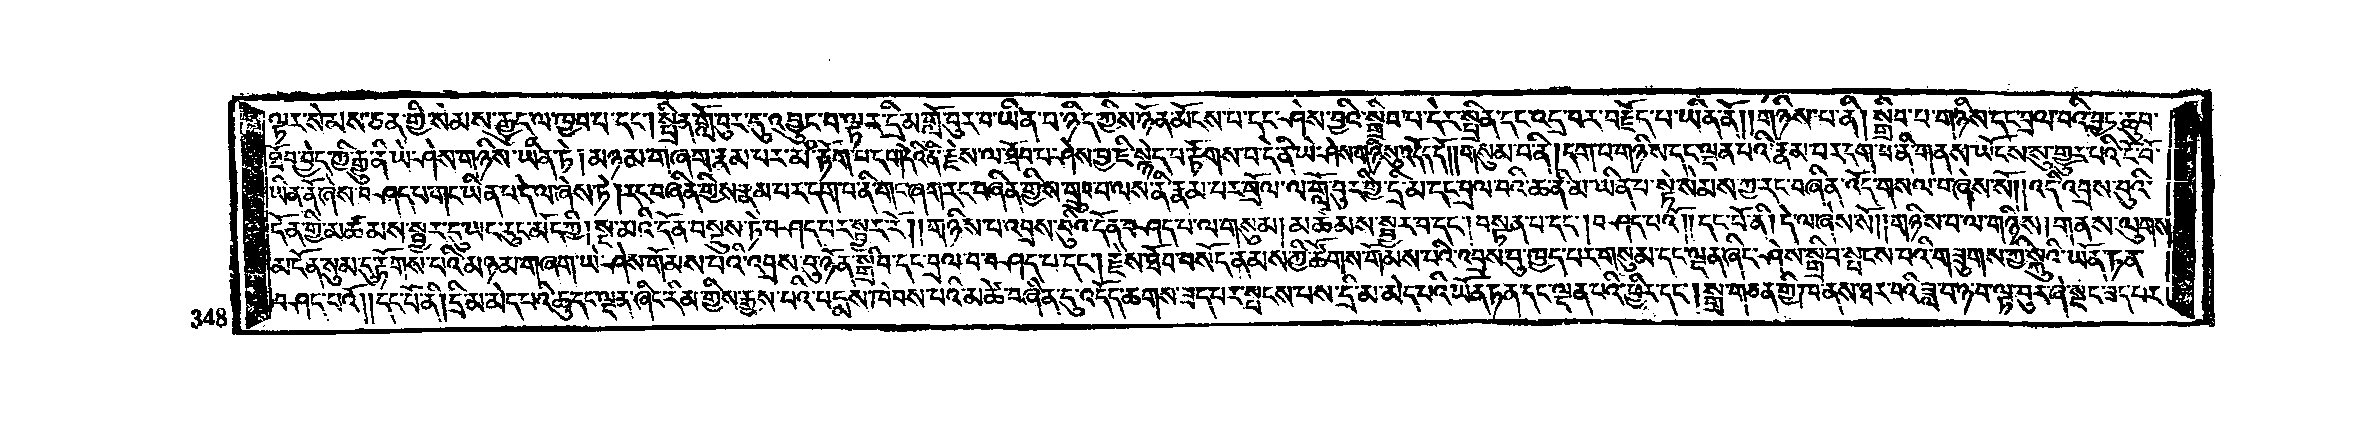ལྟར་སེམས་ཅན་གྱི་སེམས་རྒྱུད་ལ་ཁྱབ་པ་དང་། སྤྲིན་གློ་བུར་དུ་འབྱུང་བ་ལྟར་དྲི་མ་གློ་བུར་བ་ཡིན་པ་ཉིད་ཀྱིས་ཉོན་མོངས་པ་དང་ཤེས་བྱའི་སྒྲིབ་པ་དེར་སྤྲིན་དང་འདྲ་བར་བརྗོད་པ་ཡིན་ནོ། །གཉིས་པ་ནི། སྒྲིབ་པ་གཉིས་དང་བྲལ་བའི་བྱང་ཆུབ་
ཐོབ་བྱེད་ཀྱི་རྒྱུ་ནི་ཡེ་ཤེས་གཉིས་ཡིན་ཏེ། མཉམ་གཞག་རྣམ་པར་མི་རྟོག་པ་དག་དེའི་ནི་རྗེས་ལ་ཐོབ་པ་ཤེས་བྱ་ཇི་སྙེད་པ་རྟོགས་པ་དེ་ནི་ཡེ་ཤེས་གཉིས་སུ་འདོད་དོ། །གསུམ་པ་ནི། དག་པ་གཉིས་དང་ལྡན་པའི་རྣམ་པར་དག་པ་ནི་གནས་ཡོངས་སུ་གྱུར་པའི་ངོ་བོ་
ཡིན་ནོ་ཞེས་བཤད་པ་གང་ཡིན་པ་དེ་ལ་ཞེས་ཏེ། རང་བཞིན་གྱིས་རྣམ་པར་དག་པ་ནི་གང་ཞག་རང་བཞིན་གྱིས་གྲུབ་པ་ལས་ནི་རྣམ་པར་གྲོལ་ལ་གློ་བུར་གྱི་དྲི་མ་དང་བྲལ་བའི་ཆ་ནི་མ་ཡིན་པ་སྟེ་སེམས་ཀྱི་རང་བཞིན་འོད་གསལ་བ་ཞེས་སོ། །འདི་འབྲས་བུའི་
དོན་གྱི་མཚམས་སྦྱར་དུ་ཡང་རུང་མོད་ཀྱི། སྔ་མའི་དོན་བསྡུས་ཏེ་བཤད་པར་སྦྱར་རོ། །གཉིས་པ་འབྲས་བུའི་དོན་བཤད་པ་ལ་གསུམ། མཚམས་སྦྱར་བ་དང་། བསྟན་པ་དང་། བཤད་པའོ། །དང་པོ་ནི། དེ་ལ་ཞེས་སོ། །གཉིས་པ་ལ་གཉིས། གནས་ལུགས་
མངོན་སུམ་དུ་རྟོགས་པའི་མཉམ་གཞག་ཡེ་ཤེས་གོམས་པའི་འབྲས་བུ་ཉོན་སྒྲིབ་དང་བྲལ་བ་བཤད་པ་དང་། རྗེས་ཐོབ་བསོད་ནམས་ཀྱི་ཚོགས་གོམས་པའི་འབྲས་བུ་ཁྱད་པར་གསུམ་དང་ལྡན་ཞིང་ཤེས་སྒྲིབ་སྤངས་པའི་གཟུགས་ཀྱི་སྐུའི་ཡོན་ཏན་
བཤད་པའོ། །དང་པོ་ནི། དྲི་མ་མེད་པའི་ཆུ་དང་ལྡན་ཞིང་རིམ་གྱིས་རྒྱས་པའི་པདམས་ཁེབས་པའི་མཚེ་བཞིན་དུ་འདོད་ཆགས་ཟད་པར་སྤངས་པས་དྲི་མ་མེད་པའི་ཡོན་ཏན་དང་ལྡན་པའི་ཕྱིར་དང་། སྒྲ་གཅན་གྱི་ཁ་ནས་ཐར་བའི་ཟླ་བ་ཉ་བ་ལྟ་བུར་ཞེ་སྡང་ཟད་པར་